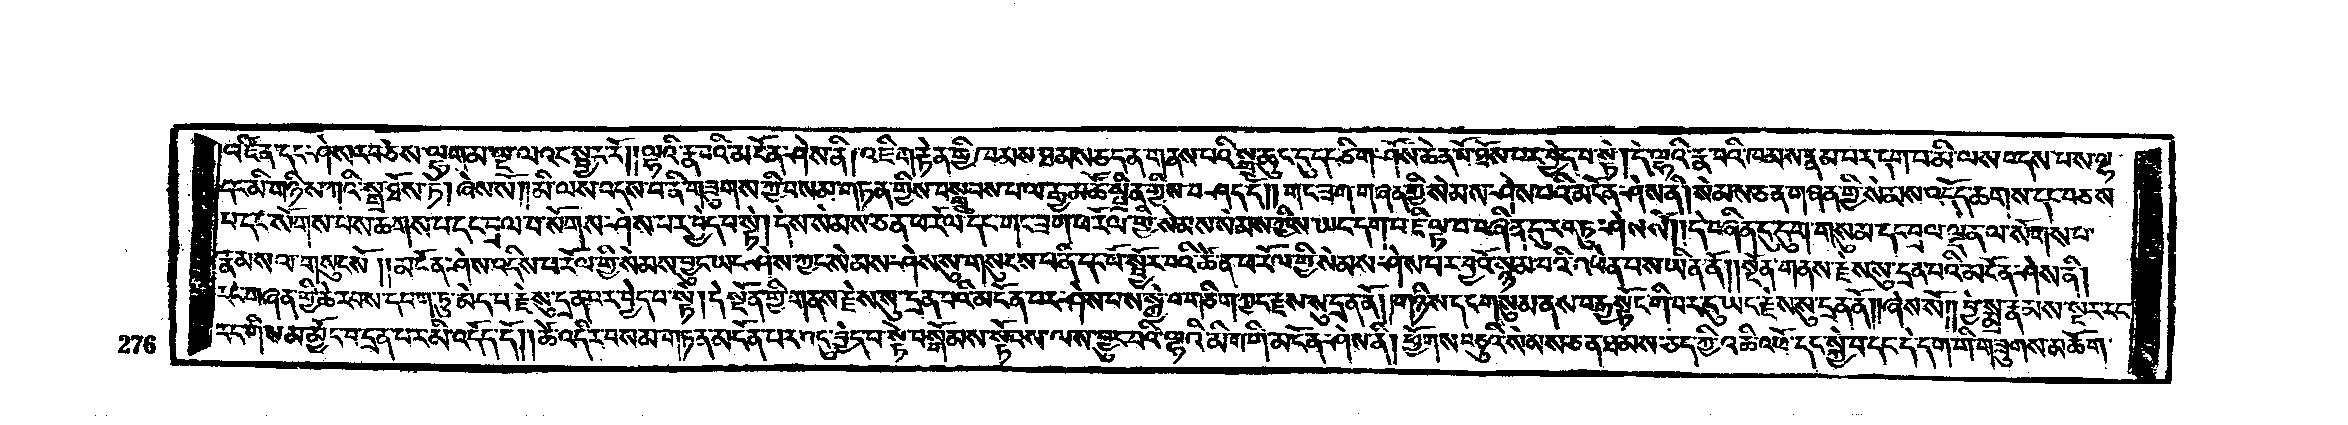འཛིན་དང་ཤེས་རབ་ཅེས་ལྷག་མ་ལྔ་ལའང་སྦྱར་རོ། །ལྷའི་རྣ་བའི་མངོན་ཤེས་ནི། འཇིག་རྟེན་གྱི་ཁམས་ཐམས་ཅད་ན་གནས་པའི་སྒྲ་ཆུང་དུ་དང་ཅིག་ཤོས་ཆེན་པོ་ཐོས་པར་བྱེད་པ་སྟེ། དེ་ལྷའི་རྣ་བའི་ཁམས་རྣམ་པར་དག་པ་མི་ལས་འདས་པས་ལྷ་
དང་མ་གཉིས་ཀའི་སྒྲ་ཐོས་ཏེ། ཞེས་སོ། །མི་ལས་འདས་པ་ནི་གཟུགས་ཀྱི་བསམ་གཏན་གྱིས་བསྒྲུབས་པ་ལ་རྒྱ་མཚོ་སྤྲིན་གྱིས་བཤད་དོ། །གང་ཟག་གཞན་གྱི་སེམས་ཤེས་པའི་མངོན་ཤེས་ནི། སེམས་ཅན་གཞན་གྱི་སེམས་འདོད་ཆགས་དང་བཅས་
པ་དང་སོགས་པས་ཆགས་པ་དང་བྲལ་བ་སོགས་ཤེས་པར་བྱེད་པ་སྟེ། དེས་སེམས་ཅན་ཕ་རོལ་དང་གང་ཟག་ཕ་རོལ་གྱི་སེམས་སེམས་ཀྱིས་ཡང་དག་པ་ཇི་ལྟ་བ་བཞིན་དུ་རབ་ཏུ་ཤེས་སོ། །དེ་བཞིན་དུ་དུག་གསུམ་དང་བྲལ་ལྡན་ལ་སོགས་པ་
རྣམས་ལ་གསུངས་སོ། །མངོན་ཤེས་འདིས་ཕ་རོལ་གྱི་སེམས་བྱུང་ཡང་ཤེས་ཀྱང་སེམས་ཤེས་སུ་གསུངས་པ་ནི་དང་པོ་སྦྱོར་བའི་ཚེ་ན་ཕ་རོལ་གྱི་སེམས་ཤེས་པར་བྱའོ་སྙམ་པའི་འཕེན་པས་ཡིན་ནོ། །སྔོན་གནས་རྗེས་སུ་དྲན་པའི་མངོན་ཤེས་ནི།
རང་གཞན་གྱི་ཆེ་རབས་དཔག་ཏུ་མེད་པ་རྗེས་སུ་དྲན་པར་བྱེད་པ་སྟེ། དེ་སྔོན་གྱི་གནས་རྗེས་སུ་དྲན་པའི་མངོན་པར་ཤེས་པས་སྐྱེ་བ་གཅིག་ཀྱང་རྗེས་སུ་དྲན་ནོ། །གཉིས་དང་གསུམ་ནས་བརྒྱ་སྟོང་གི་བར་དུ་ཡང་རྗེས་སུ་དྲན་ནོ། །ཞེས་སོ། །བྱེ་སྨྲ་རྣམས་སྔར་རང་
རང་གིས་མ་མྱོང་བ་དྲན་པར་མི་འདོད་དོ། །ཚེ་འདིར་བསམ་གཏན་མངོན་པར་འདུ་བྱེད་པ་སྟེ་བསྒོམས་སྟོབས་ལས་བྱུང་བའི་ལྷའི་མིག་གི་མངོན་ཤེས་ནི། ཕྱོགས་བཅུའི་སེམས་ཅན་ཐམས་ཅད་ཀྱི་འཆི་འཕོ་དང་སྐྱེ་བ་དང་དེ་དག་གི་གཟུགས་མཆོག་